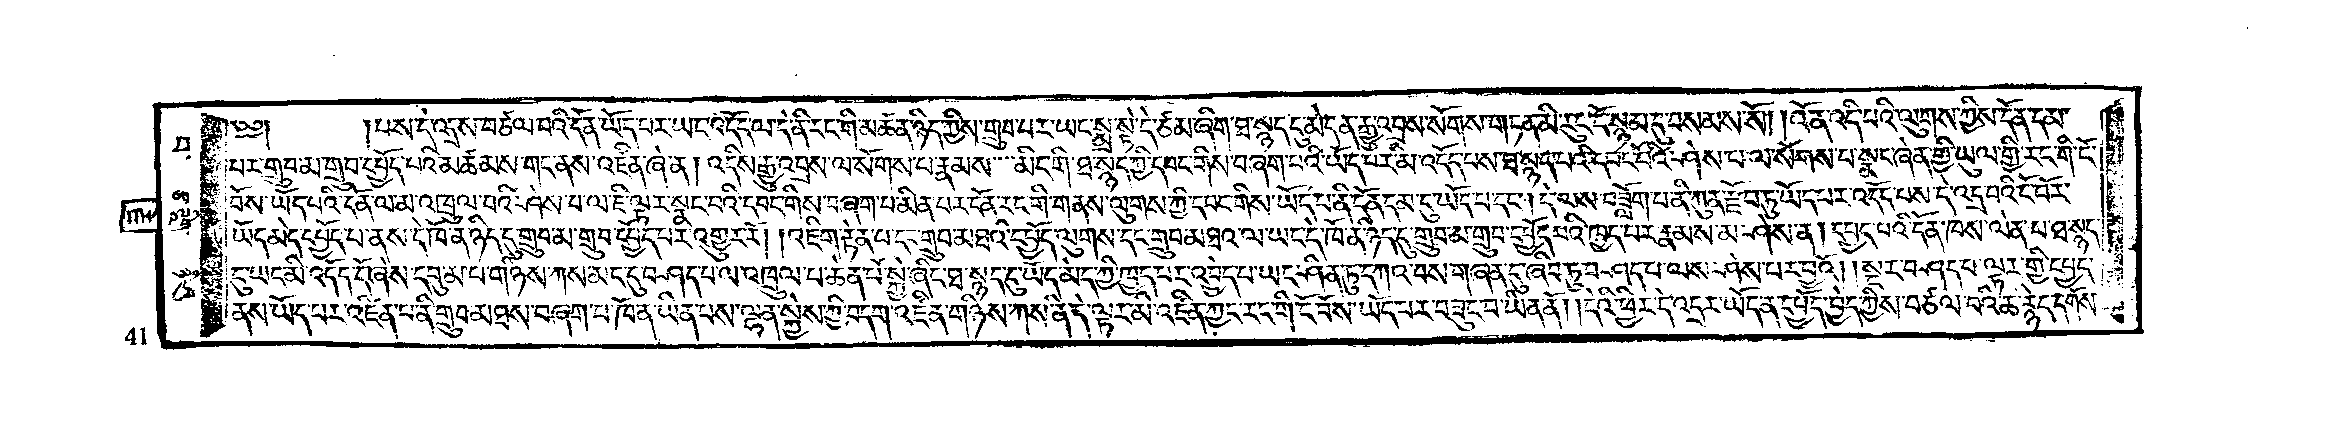༄༅། །པས་དེ་འདྲས་བཙལ་བའི་དོན་ཡོད་པར་ཡང་འདོད་ལ་དེ་ནི་རང་གི་མཚན་ཉིད་ཀྱིས་གྲུབ་པར་ཡང་སྨྲ་སྟེ་དེ་ཙམ་ཞིག་ཐ་སྙད་དུ་མེད་ན་རྒྱུ་འབྲས་སོགས་གཏན་མི་རུང་ངོ་སྙམ་དུ་བསམས་སོ། །འོ་ན་འདི་པའི་ལུགས་ཀྱིས་དོན་དམ་
པར་གྲུབ་མ་གྲུབ་དཔྱོད་པའི་མཚམས་གང་ནས་འཛིན་ཞེ་ན། འདིས་རྒྱུ་འབྲས་ལ་སོགས་པ་རྣམས་མིང་གི་ཐ་སྙད་ཀྱི་དབང་གིས་བཞག་པའི་ཡོད་པར་མི་འདོད་པས་ཐ་སྙད་པའི་དབང་པོའི་ཤེས་པ་ལ་སོགས་པ་སྣང་ཞེན་གྱི་ཡུལ་གྱི་རང་གི་ངོ་
བོས་ཡོད་པའི་དོན་ལ་མ་འཁྲུལ་བའི་ཤེས་པ་ལ་ཇི་ལྟར་སྣང་བའི་དབང་གིས་བཞག་པ་མིན་པར་དོན་རང་གི་གནས་ལུགས་ཀྱི་དབང་གིས་ཡོད་པ་ནི་དོན་དམ་དུ་ཡོད་པ་དང་། དེ་ལས་བཟློག་པ་ནི་ཀུན་རྫོབ་ཏུ་ཡོད་པར་འདོད་པས་དེ་འདྲ་བའི་ངོ་བོར་
ཡོད་མེད་དཔྱོད་པ་ནས་ད་ཁོ་ན་ཉིད་དུ་གྲུབ་མ་གྲུབ་དཔྱོད་པར་འགྱུར་རོ། །འཇིག་རྟེན་པ་དང་གྲུབ་མཐའི་དཔྱོད་ལུགས་དང་གྲུབ་མཐའ་ལས་ཡང་དེ་ཁོ་ན་ཉིད་དུ་གྲུབ་མ་གྲུབ་དཔྱོད་པའི་ཁྱད་པར་རྣམས་མ་ཤེས་ན། དཔྱད་པའི་དོན་ཁས་ལེན་པ་ཐ་སྙད་
དུ་ཡང་མི་འདོད་དོ་ཞེས་དབུ་མ་པ་གཉིས་ལས་མང་དུ་བཤད་པ་ལ་འཁྲུལ་པ་ཆེན་པོ་སྐྱེ་ཞིང་ཐ་སྙད་དུ་ཡོད་མེད་ཀྱི་ཁྱད་པར་འབྱེད་པ་ཡང་ཤིན་ཏུ་དཀའ་བས་གཞན་དུ་ཞིབ་ཏུ་བཤད་པ་ལས་ཤེས་པར་བྱའོ། །སྔར་བཤད་པ་ལྟར་གྱི་དཔྱད་
ནས་ཡོད་པར་འཛིན་པ་ནི་གྲུབ་མཐས་བཞག་པ་ཁོ་ན་ཡིན་པས་ལྷན་སྐྱེས་ཀྱི་བདག་འཛིན་གཉིས་ཀས་ནི་དེ་ལྟར་མི་འཛིན་ཀྱང་རང་གི་ངོ་བོས་ཡོད་པར་བཟུང་བ་ཡིན་ནོ། །དེའི་ཕྱིར་དེ་འདྲར་ཡོད་ན་དཔྱོད་བྱེད་ཀྱིས་བཙལ་བའི་ཚེ་རྙེད་དགོས་